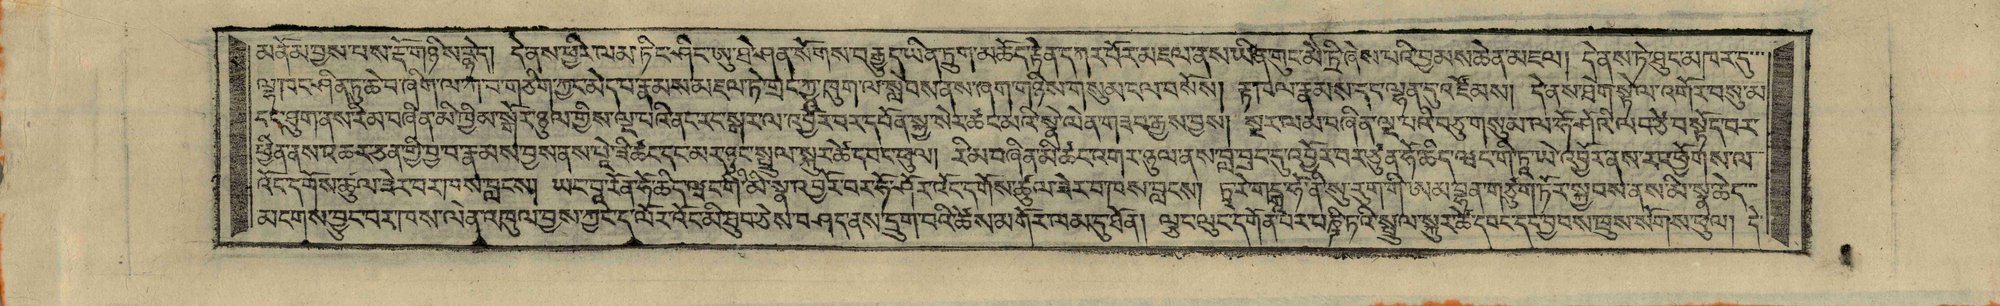མནོམ་བྱས་པས་རྡོ་གཉིས་རྙེད། དེ་ནས་ཕྱིར་ལམ་ཏིང་ཤིང་ཨུ་ཐེ་ཤན་སོགས་བརྒྱུད་ཡིན་ཏྲུག་མཆོད་རྟེན་དཀར་པོར་མཇལ་ནས་ཡིན་གུང་མཻ་ཏྲི་ཞེས་པའི་བྱམས་ཆེན་མཇལ། དེ་ནས་ཏེ་ཐུང་མཁར་དུ་
ལྷ་ཁང་ཤིན་ཏུ་ཆེ་བ་ཞིག་ལ་ཀ་བ་གཅིག་ཀྱང་མེད་པ་རྣམས་མཇལ་ཏེ་གྲང་ཀྱཱ་ཁུག་ལ་སླེབས་ནས་ཞག་གཉིས་གསུམ་ངལ་བསོས། རྟ་ཁལ་རྣམས་དང་ལྷན་དུ་འཛོམས། དེ་ནས་ཐེག་སྟེ་ལ་འགོར་བསུ་མ་
ངད་ཐུག་ནས་རིམ་བཞིན་མི་ཁྱིམ་སྒོར་ཉུལ་གྱིས་ལྔ་པའི་ནང་རང་སྒར་ལ་འབྱོར་བར་དཔོན་སྐྱ་སེར་ཚང་མའི་སྣེ་ལེན་གཟབ་རྒྱས་བྱས། སྔར་ལམ་བཞིན་ལྔ་པའི་བཅུ་གསུམ་ལ་ཧོ་ཤོའི་ལབ་ཙེ་བསྟོད་བར་
ཕྱིན་ནས་འཆར་ཅན་གྱི་བྱ་བ་རྣམས་བྱས་ནས་པE་ཟི་ཚང་དང་མར་ཉུང་སྤྲུལ་སྐུར་ཚེ་དབང་ཕུལ། རིམ་བཞིན་མི་ཚང་འགར་ཉུལ་ནས་བླ་བྲང་དུ་འབྱོར་བར་ཙུན་ཧོ་ཆིད་ཝང་གི་ཏཱ་ཡེ་འབྱོར་ནས་རང་ཕྱོགས་ལ་
འོང་དགོས་ཚུལ་ཟེར་བར་ཁས་བླངས། ཡང་བཱ་རོན་ཧོ་ཆིད་ཝང་གི་མི་སྣ་འབྱོར་བར་ཧོ་ཤོར་འོང་དགོས་ཚུལ་ཟེར་བ་ཁས་བླངས། ཏཱ་རེ་གངྒཱ་ཧོ་ནི་སུ་རུག་གི་ཨམ་བྷན་གཙུག་ཏོར་སྐྱབས་ནས་མི་སྣ་ཆེད་
མངགས་བྱུང་བར་ཁས་ལེན་འཁུལ་བྱས་ཀྱང་ད་ལོར་འོང་མི་ཐུབ་ཅེས་བཤད་ནས་དྲུག་པའི་ཚེས་མགོར་ལམ་དུ་ཐོན། ལྕང་ལུང་དགོན་པར་པཎྜི་ཏའི་སྤྲུལ་སྐུར་ཚེ་དབང་དང་བྱ་བས་ཁྲུས་སོགས་ཕུལ། དེ་